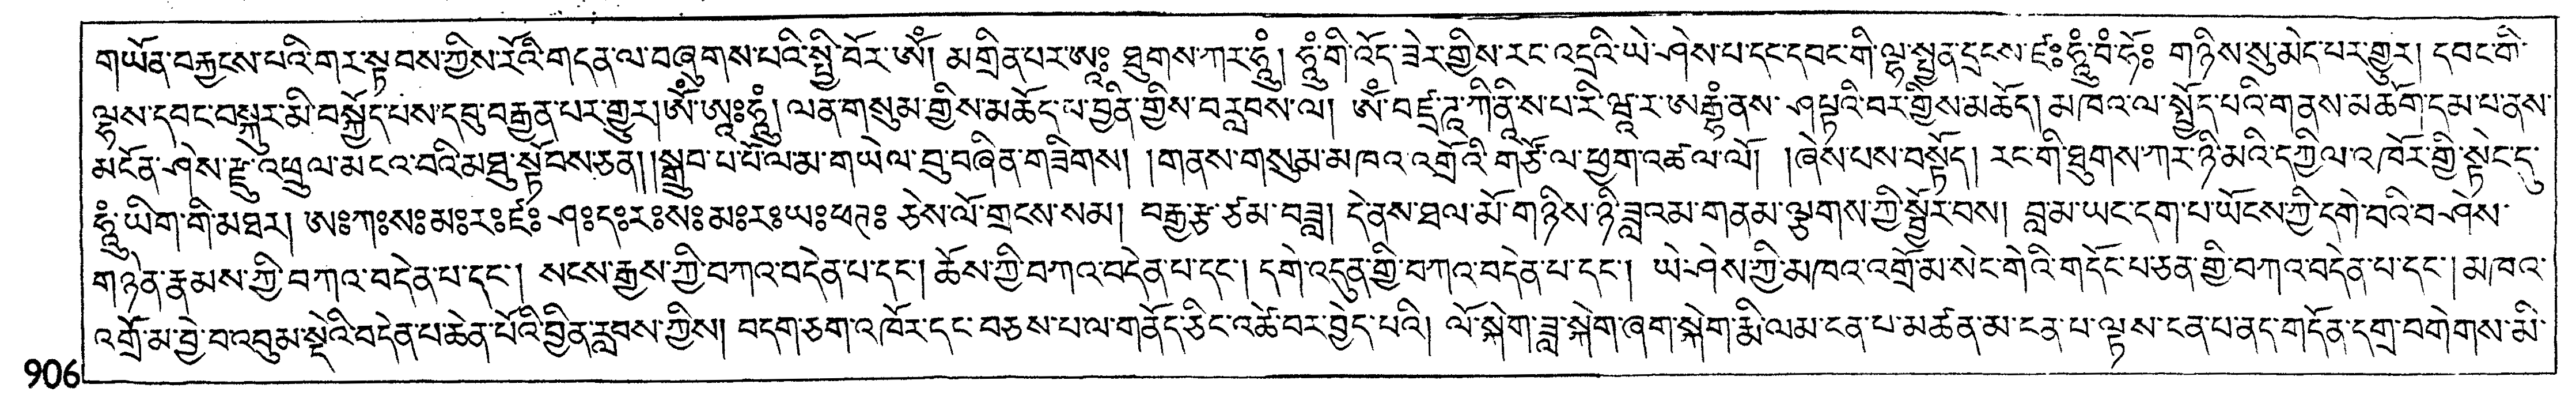གཡོན་བརྐྱངས་པའི་གར་སྟབས་ཀྱིས་རོའི་གདན་ལ་བཞུགས་པའི་སྤྱི་བོར་ཨོཾ། མགྲིན་པར་ཨཱཿ ཐུགས་ཀར་ཧཱུཾ། ཧཱུཾ་གི་འོད་ཟེར་གྱིས་རང་འདྲའི་ཡེ་ཤེས་པ་དང་དབང་གི་ལྷ་སྤྱན་དྲངས་ཛཿ ཧཱུཾ་བཾ་ཧོཿ གཉིས་སུ་མེད་པར་གྱུར། དབང་གི་
ལྷས་དབང་བསྐུར་མི་བསྐྱོད་པས་དབུ་བརྒྱན་པར་གྱུར། ཨོཾ་ཨཱཿ ཧཱུཾ། ལན་གསུམ་གྱིས་མཆོད་པ་བྱིན་གྱིས་བརླབས་ལ། ཨོཾ་བཛྲ་ཌཱ་ཀི་ནཱི་ས་པ་རི་ཝཱ་ར་ཨརྒྷཾ་ནས་ཤཔྟའི་བར་གྱིས་མཆོད། མཁའ་ལ་སྤྱོད་པའི་གནས་མཆོག་དམ་པ་ནས་
མངོན་ཤེས་རྫུ་འཕྲུལ་མངའ་བའི་མཐུ་སྟོབས་ཅན། །སྒྲུབ་པ་པོ་ལ་མ་གཡེལ་བུ་བཞིན་གཟིགས། །གནས་གསུམ་མཁའ་འགྲོའི་གཙོ་ལ་ཕྱག་འཚལ་ལོ། །ཞེས་པས་བསྟོད། རང་གི་ཐུགས་ཀར་ཉི་མའི་དཀྱིལ་འཁོར་གྱི་སྟེང་དུ་
ཧཱུཾ་ཡིག་གི་མཐར། ཨཿ ཀཿ སཿ མཿ རཿ ཛཿ ཤཿ དཿ རཿ སཿ མཿ རཿ ཡཿ ཕཊཿ ཅེས་ལོ་གྲངས་སམ། བརྒྱ་རྩ་ཙམ་བཟླ། དེ་ནས་ཐལ་མོ་གཉིས་ཉི་ཟླའམ་གནམ་ལྕགས་ཀྱི་སྦྱོར་བས། བླ་མ་ཡང་དག་པ་ཡོངས་ཀྱི་དགེ་བའི་བཤེས་
གཉེན་རྣམས་ཀྱི་བཀའ་བདེན་པ་དང་། སངས་རྒྱས་ཀྱི་བཀའ་བདེན་པ་དང་། ཆོས་ཀྱི་བཀའ་བདེན་པ་དང་། དགེ་འདུན་གྱི་བཀའ་བདེན་པ་དང་། ཡེ་ཤེས་ཀྱི་མཁའ་འགྲོ་མ་སེང་གེའི་གདོང་པ་ཅན་གྱི་བཀའ་བདེན་པ་དང་། མཁའ་
འགྲོ་མ་བྱེ་བ་འབུམ་སྡེའི་བདེན་པ་ཆེན་པོའི་བྱིན་རླབས་ཀྱིས། བདག་ཅག་འཁོར་དང་བཅས་པ་ལ་གནོད་ཅིང་འཚེ་བར་བྱེད་པའི། ལོ་སྐེག་ཟླ་སྐེག་ཞག་སྐེག་རྨི་ལམ་ངན་པ་མཚན་མ་ངན་པ་ལྟས་ངན་པ་ནད་གདོན་དགྲ་བགེགས་མི་